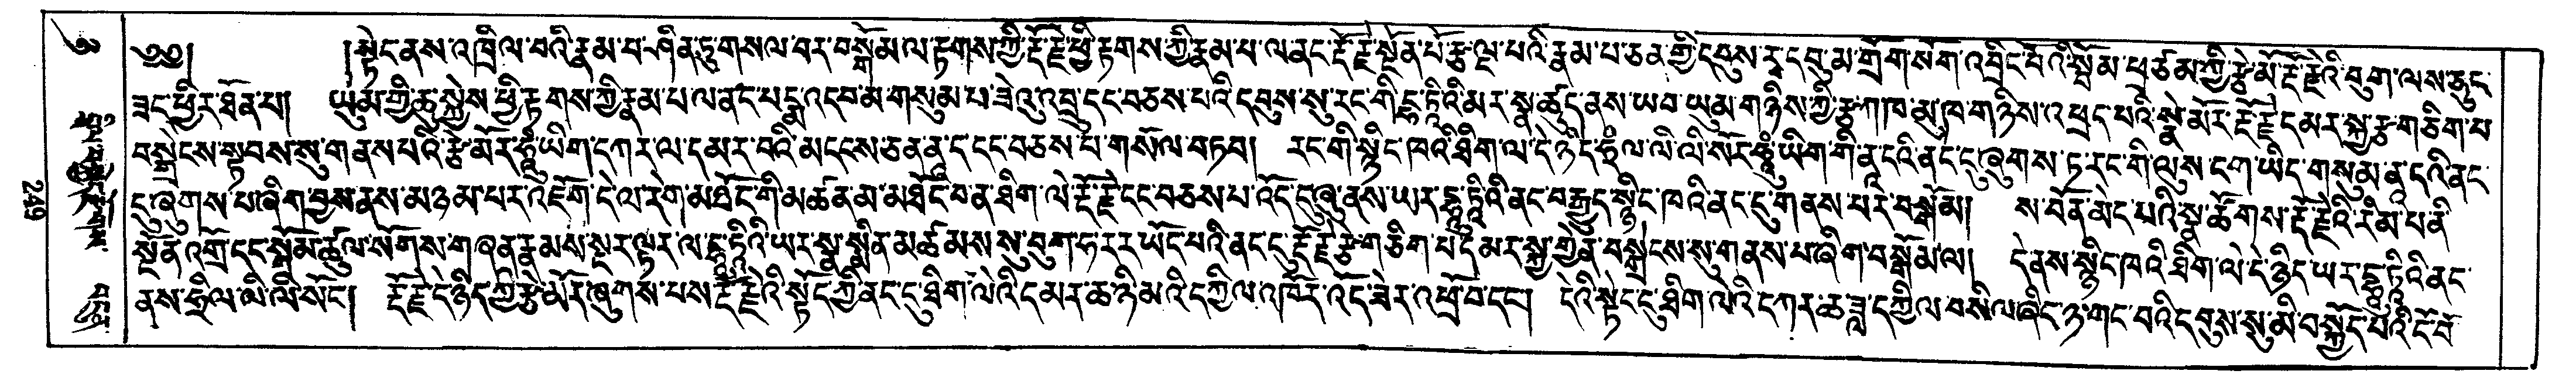༄༅། །སྟེང་ནས་འཁྲིལ་བའི་རྣམ་པ་ཤིན་ཏུ་གསལ་བར་བསྒོམ་ལ་རྟགས་ཀྱི་རྡོ་རྗེ་ཕྱི་རྟགས་ཀྱི་རྣམ་པ་ལ་ནང་རྡོ་རྗེ་སྔོན་པོ་རྩེ་ལྔ་པའི་རྣམ་པ་ཅན་གྱི་དབུས་རྭ་དབུ་མ་གྲོ་གསོག་འབྲིང་པོའི་སྦོམ་ཕྲ་ཙམ་གྱི་རྩེ་མོ་རྡོ་རྗེའི་བུ་ག་ལས་ཅུང་
ཟད་ཕྱིར་ཐོན་པ། ཡུམ་གྱི་ཆུ་སྐྱེས་ཕྱི་རྟགས་ཀྱི་རྣམ་པ་ལ་ནང་པདམ་འདབ་མ་གསུམ་པ་ཟེའུ་འབྲུ་དང་བཅས་པའི་དབུས་སུ་རང་གི་དྷཱུ་ཏཱིའི་མར་སྣ་ཚུད་ནས་ཡབ་ཡུམ་གཉིས་ཀྱི་རྩ་ཀ་ཁ་མུ་ཁ་གཉིས་འཕྲད་པའི་སྣེ་མོར་རྡོ་རྗེ་དམར་སྐྱ་རྩེ་གཅིག་པ་
བསྒྲེངས་སྟབས་སུ་གནས་པའི་རྩེ་མོར་ཧཱུཾ་ཡིག་དཀར་ལ་དམར་བའི་མདངས་ཅན་ནཱ་ད་དང་བཅས་པ་གསལ་བཏབ། རང་གི་སྙིང་ཁའི་ཐིག་ལེ་དེ་ཉིད་ཧྲིལ་ལི་ལི་སོང་ཧཱུཾ་ཡིག་གི་ནཱ་དའི་ནང་དུ་ཞུགས་ཏེ་རང་གི་ལུས་ངག་ཡིད་གསུམ་ནཱ་དའི་ནང་
དུ་ཞུགས་པ་ཞིག་བྱས་ནས་མཉམ་པར་འཇོག་དེ་ལ་རེག་མཐོང་གི་མཚན་མ་མཐོང་བ་ན་ཐིག་ལེ་རྡོ་རྗེ་དང་བཅས་པ་འོད་དུ་ཞུ་ནས་ཡར་དྷཱུ་ཏཱིའི་ནང་བརྒྱུད་སྙིང་ཁའི་ནང་དུ་གནས་པར་བསྒོམ། ས་བོན་མེད་པའི་སྣ་ཚོགས་རྡོ་རྗེའི་རིམ་པ་ནི་
སྔོན་འགྲོ་དང་སྒོམ་ཚུལ་སོགས་གཞན་རྣམས་སྔར་ལྟར་ལ་དྷཱུ་ཏཱིའི་ཡར་སྣ་སྨིན་མཚམས་སུ་བུ་ག་ཧ་རེར་ཡོད་པའི་ནང་དུ་རྡོ་རྗེ་རྩེ་གཅིག་པ་དམར་སྐྱ་གྱེན་བསྒྲེངས་སུ་གནས་པ་ཞིག་བསྒོམ་ལ། དེ་ནས་སྙིང་ཁའི་ཐིག་ལེ་དེ་ཉིད་ཡར་དྷཱུ་ཏཱིའི་ནང་
ནས་ཧྲིལ་ལི་ལི་སོང་། རྡོ་རྗེ་དེ་ཉིད་ཀྱི་རྩེ་མོར་ཞུགས་པས་རྡོ་རྗེའི་སྟོད་ཀྱི་ནང་དུ་ཐིག་ལེའི་དམར་ཆ་ཉི་མའི་དཀྱིལ་འཁོར་འོད་ཟེར་འཕྲོ་བ་དང་། དེའི་སྟེང་དུ་ཐིག་ལེའི་དཀར་ཆ་ཟླ་དཀྱིལ་བསིལ་ཞིང་ཉ་གང་བའི་དབུས་སུ་མི་བསྐྱོད་པའི་ངོ་བོ་